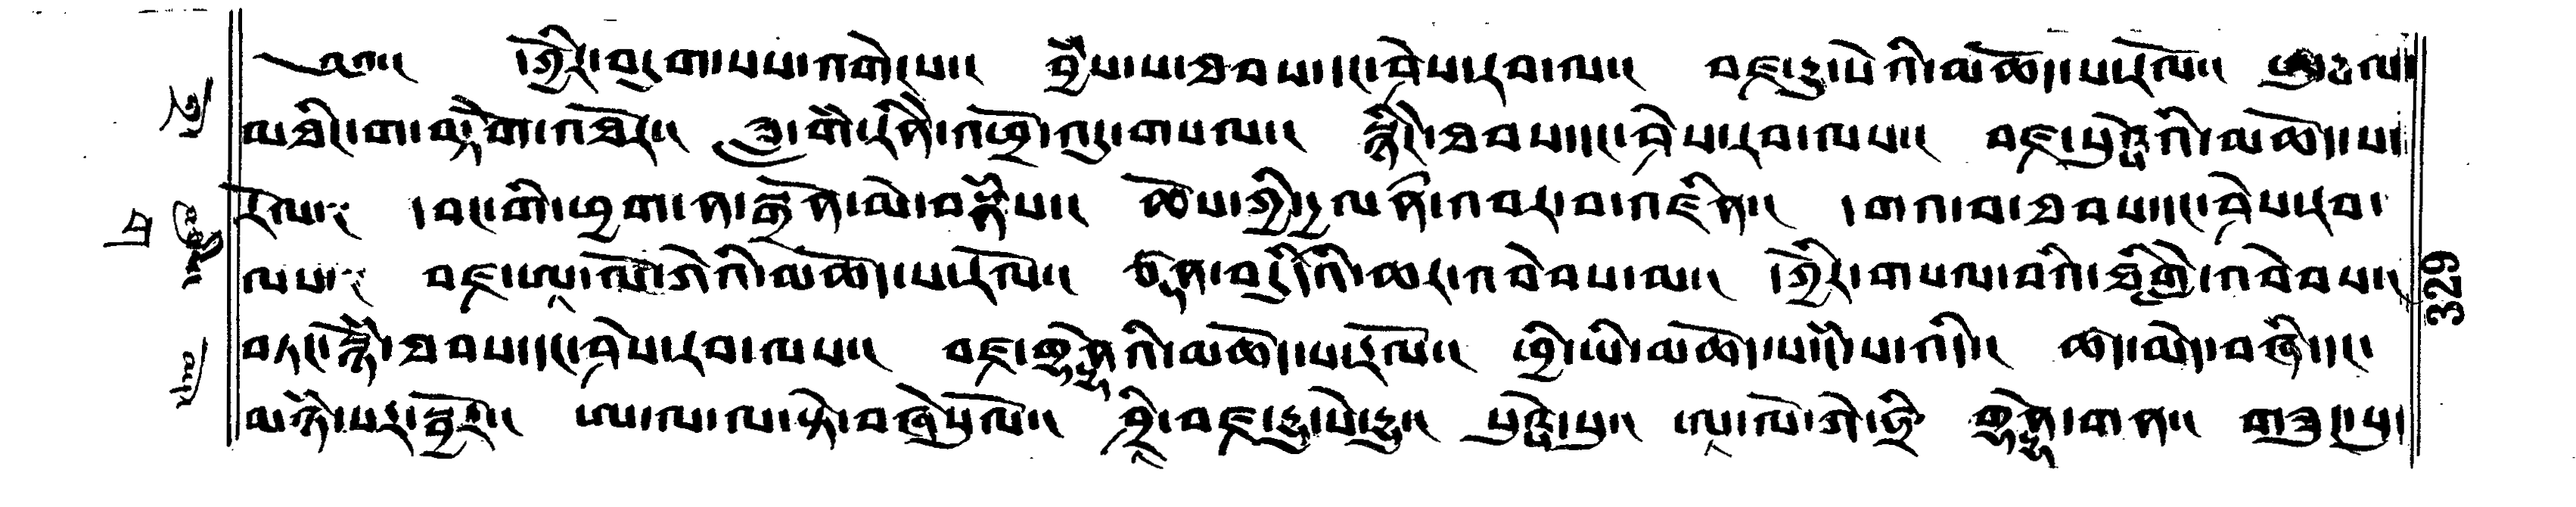དཀྱིལ་འཁོར་བདུག་པས་འགེངས། །བྱམས་པ་ཐབས་དང་ཤེས་རབ་ལ། །བཛྲ་དྷུ་པེའི་མཆོད་པ་རོལ། །ཨུཏྤལ་
མཐིང་ག་མེ་ཏོག་འཐོར། །ཟླ་གམ་རིན་ཆེན་འཕྲོ་འདུ་གསལ། །སྙིང་རྗེ་ཐབས་དང་ཤེས་རབ་ལས། བཛྲ་པུཥྤེའི་མཆོད་པ་
རོལ། །དབང་གི་ཕྱག་ན་སྒྲོན་མེ་བསྣམས། །ཆོས་ཀྱི་རྒྱལ་མཚན་འབར་བ་འཛིན། །དགའ་བ་ཐབས་དང་ཤེས་རབ་
ལས། བཛྲ་ཨཱ་ལོ་ཀེའི་མཆོད་པ་རོལ། །ཙནྡན་བདུད་རྩིའི་ཆར་འབེབས་མ། །དཀྱིལ་འཁོར་གསལ་བའི་ཐིག་ལེ་འབེབས། །
བཏང་སྙོམ་ཐབས་དང་ཤེས་རབ་ལས། །བཛྲ་གྷེནྡྷའི་མཆོད་པ་རོལ། །ཕྱི་ཡི་མཆོད་པ་དམ་པ་འདི། །ཚད་མེད་བཞི་དང་
མཉམ་པར་སྦྱོར། །ཨ་ལ་ལ་སྟེ་བཞེས་སུ་གསོལ། ཤྲཱི་བཛྲ་དྷུ་པེ་དྷུ། པུཥྤེ་པུ། ཨཱ་ལོ་ཀེ་ཧྲིཿ གྷནྡྷེ་གན། གཟུགས་སུ་